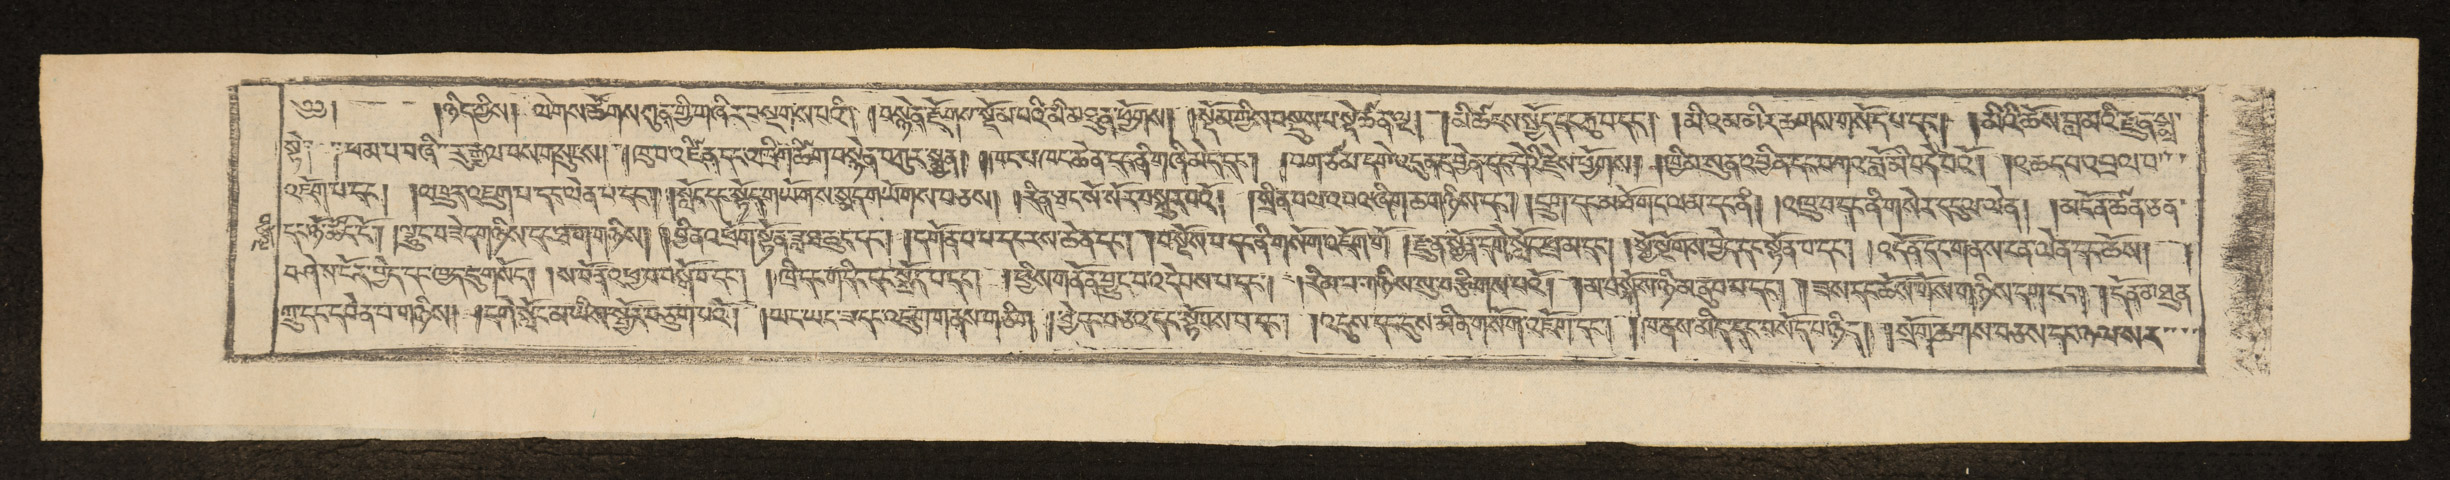༄༅། །ཉིད་ཀྱིས། ལེགས་ཚོགས་ཀུན་གྱི་གཞིར་བསྔགས་པའི། །བསྙེན་རྫོགས་སྔོམ་པའི་མི་མཐུན་ཕྱོགས། །སྔོམ་གྱིས་བསྡུས་པ་སྡེ་ཚན་ལྔ། །མི་ཚངས་སྤྱོད་དང་རྐུ་བ་དང་། །མིའམ་མིར་ཆགས་གསོད་པ་དང་། །མིའི་ཆོས་བླ་མའི་རྫུན་སྨྲ་
སྟེ༑ ༑ཕམ་པ་བཞི་རུ་རྒྱལ་བས་གསུངས། །ཁུ་བ་འཛིན་དང་འཁྲིག་ཚིག་བསྙེན་བཀུར་སྨྱན། །ཁང་པ་ཁང་ཆེན་དང་ནི་གཞི་མེད་དང་། །བག་ཙམ་དགེ་འདུན་དབྱེ་ན་དང་དེའི་རྗེས་ཕྱོགས། །ཁྱིམ་སུན་འབྱིན་དང་བཀའ་བློ་མི་བདེ་བའོ། །འཆད་པ་འབྲལ་བ་
འཇོག་པ་དང་། །འཁྲུར་འཇུག་པ་དང་ལེན་པ་དང་། །སློང་དང་སྟོད་གཡོགས་སྨད་གཡོགས་བཅད། །རིན་ཐང་སོ་སོར་བསྐུར་བའོ། །སྲིན་བལ་འབའ་ཞིག་ཆ་གཉིས་དང་། །དྲུག་དང་མཐོ་གང་ལམ་དང་ནི། །འཁྲུ་བ་དང་ནི་གསེར་དངུལ་ལེན། །མངོན་ཚན་ཅན་
དང་ཉོ་ཚོང་ངོ། །ལྷུང་བཟེད་གཉིས་དང་ཐ་ག་གཉིས། །བྱིན་འཕྲོག་སྟོན་ཟླ་ཐ་ཆུང་དང་། །དགོན་བ་པ་དང་རས་ཆེན་དང་། །བསྔོས་པ་དང་ནི་གསོག་འཇོག་གོ །རྫུན་སྐྱོང་དགེ་སློང་ཕྲ་མ་དང་། །སྐྱོ་སྔོགས་བྱེད་དང་སྟོན་པ་དང་། །འདོན་དང་གནས་ངན་ལེན་དང་ཆོས། །
བཤེས་ངོར་བྱེད་དང་ཁྱད་དུ་གསོད། །ས་བོན་འཕྱ་བ་བསྒོ་བ་དང་། །ཁྲི་དང་གདིང་དང་སྐྲོད་པ་དང་། །ཕྱིས་གནོན་བྱུང་བ་འདེབས་པ་དང་། །རིམ་པ་གཉིས་སུ་བརྩིགས་པའོ། །མ་བསྐོས་ཉི་མ་ནུབ་པ་དང་། །ཟས་དང་ཆོས་གོས་གཉིས་དག་དང་། །དོན་མཐུན་
གྲུ་དང་དབེན་པ་གཉིས། །དགེ་སློང་མ་ཡིས་སྦྱོར་བཅུག་པའོ། །ཡང་ཡང་ཟ་དང་འདུག་གནས་གཅིག །ཕྱེ་དང་བཅའ་དང་སྟོབས་པ་དང་། །འདུས་དང་དུས་མིན་གསོག་འཇོག་དང་། །ཁ་ནས་མིད་དང་བསོད་པ་ཉིད། །སྲོག་ཆགས་བཅས་དང་ཉལ་སར་